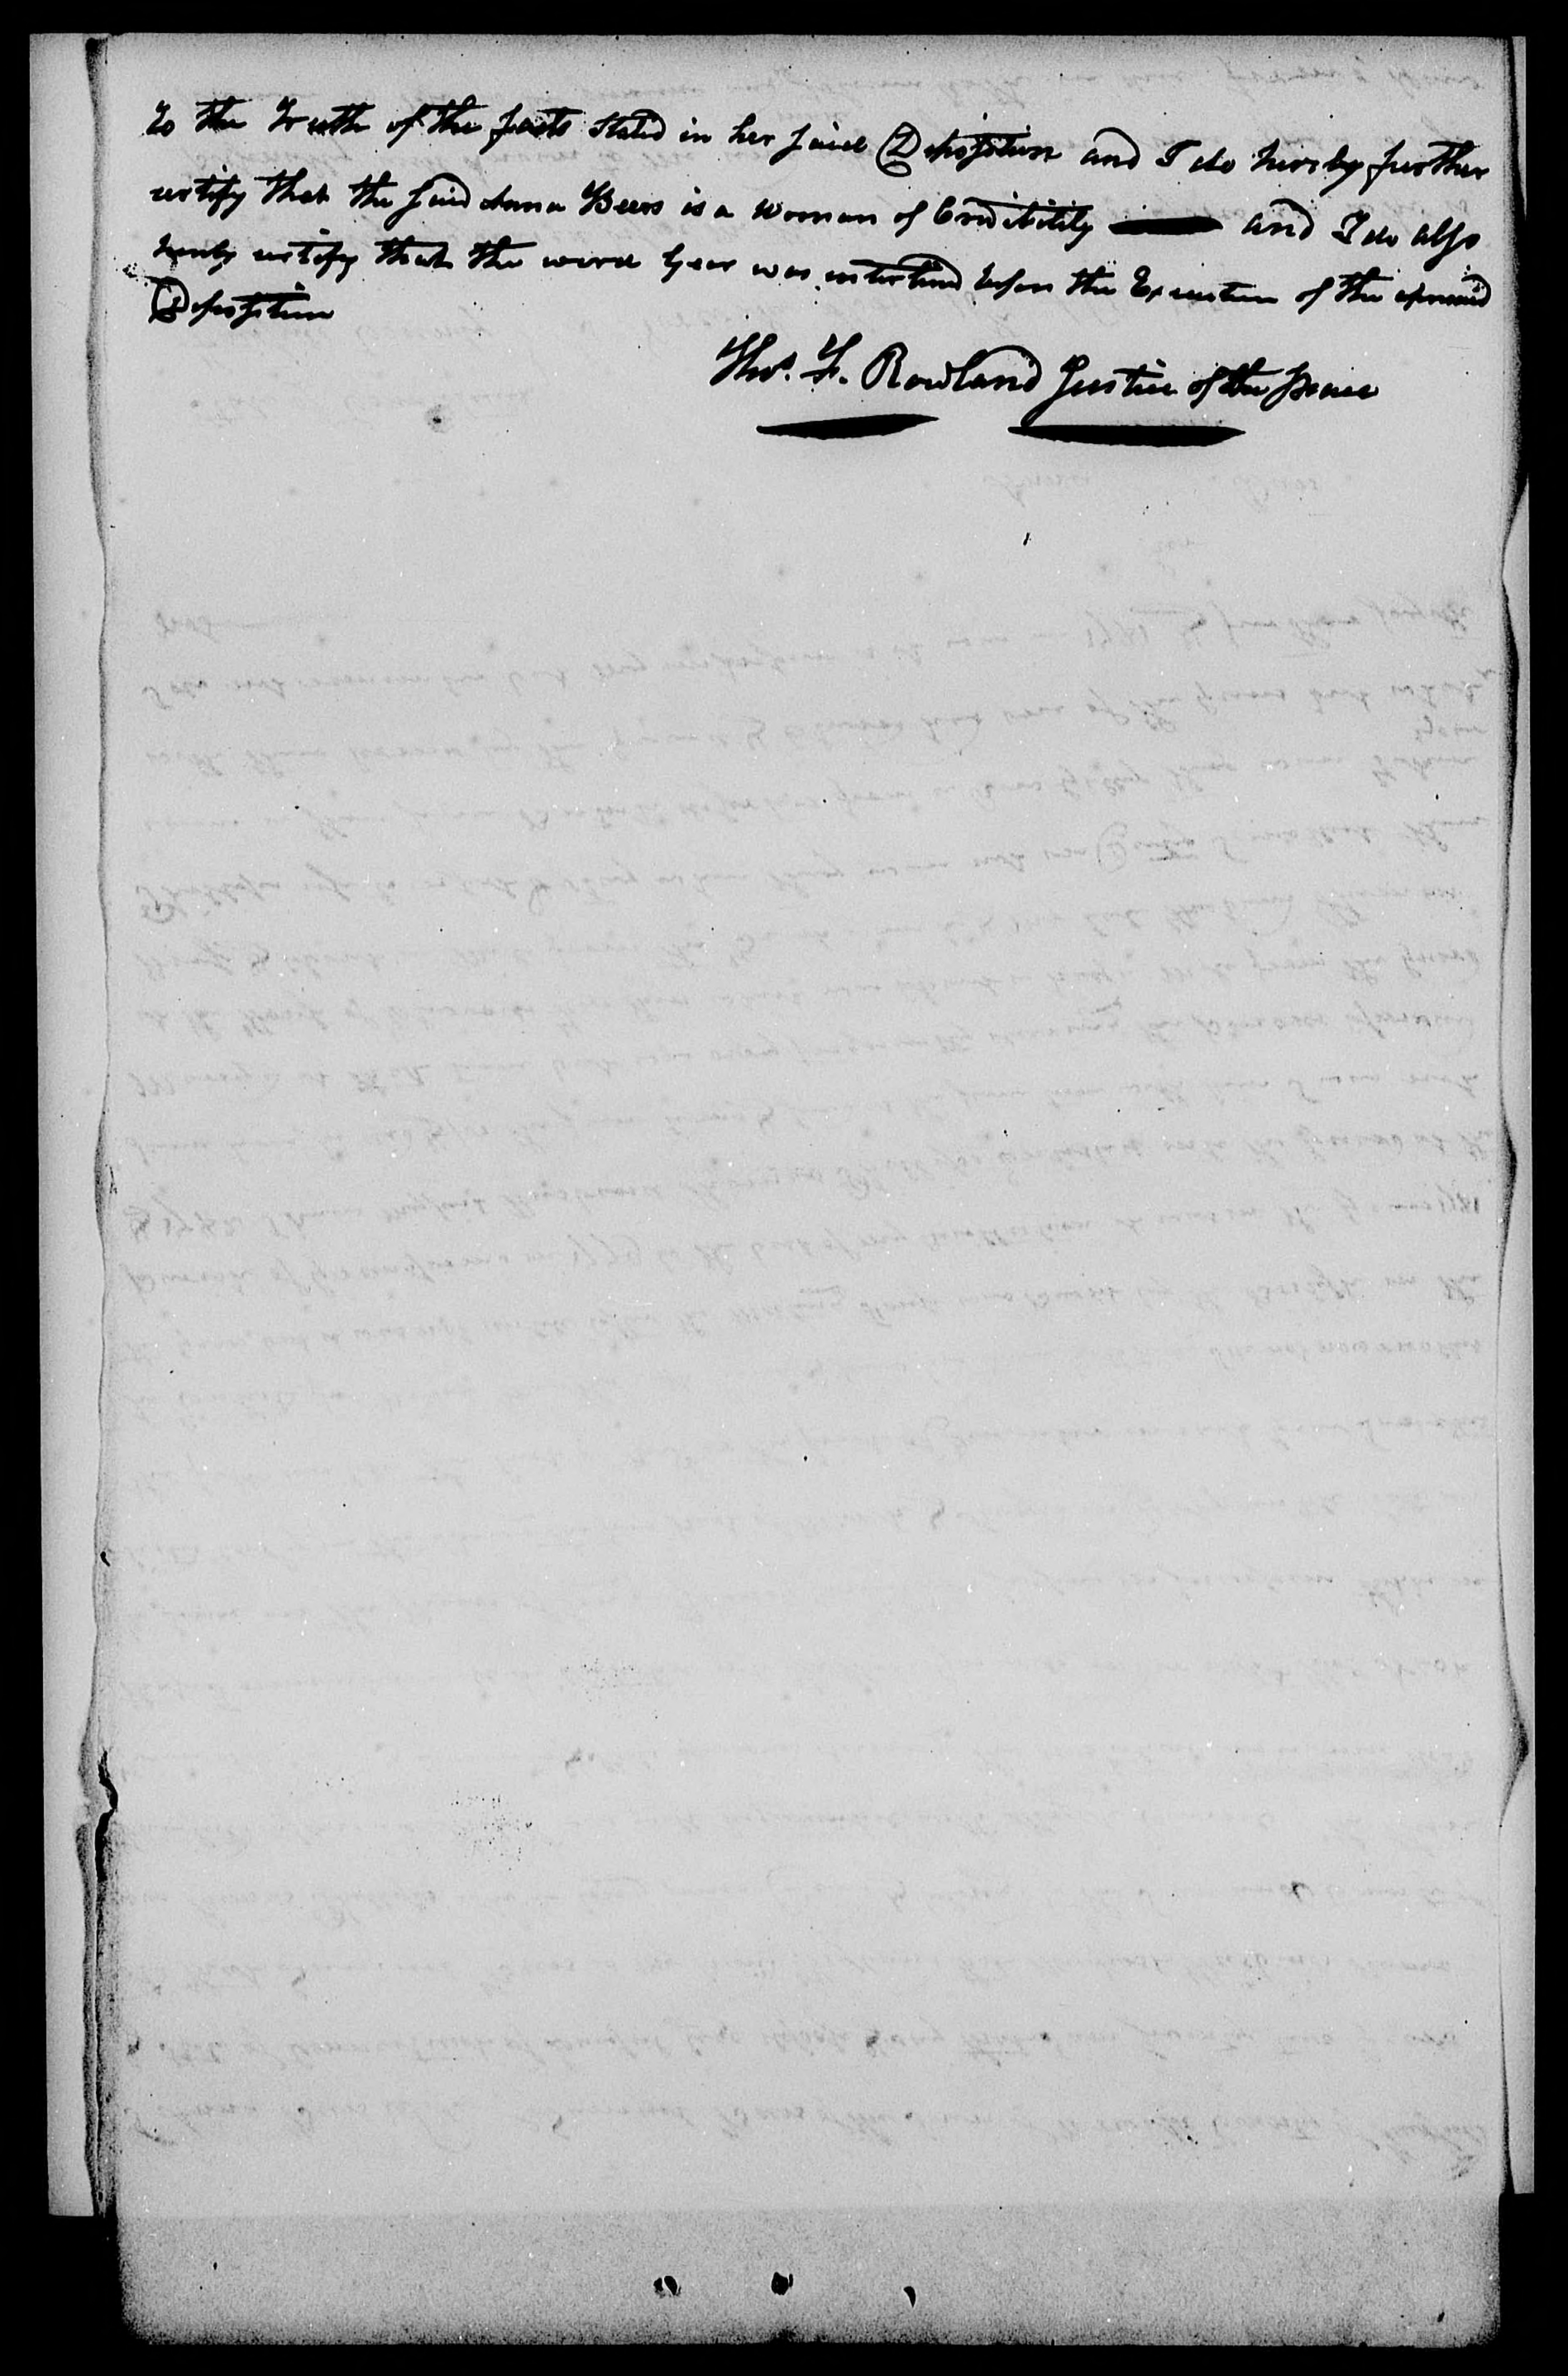to the truth of the facts stated in her said Deposition and I do hereby further
certify that the said Jane Beers is a woman of credibility and I do also
duly certify that the word year was interlined before the Execution of the afforesaid
[1 illegible]
   [signed] Thos F. Rowland Justice of the peace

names: Thos F Rowland, Anna Beers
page: 60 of 69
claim: widow's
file: W. 25562, Abijah Elwood, Conn.